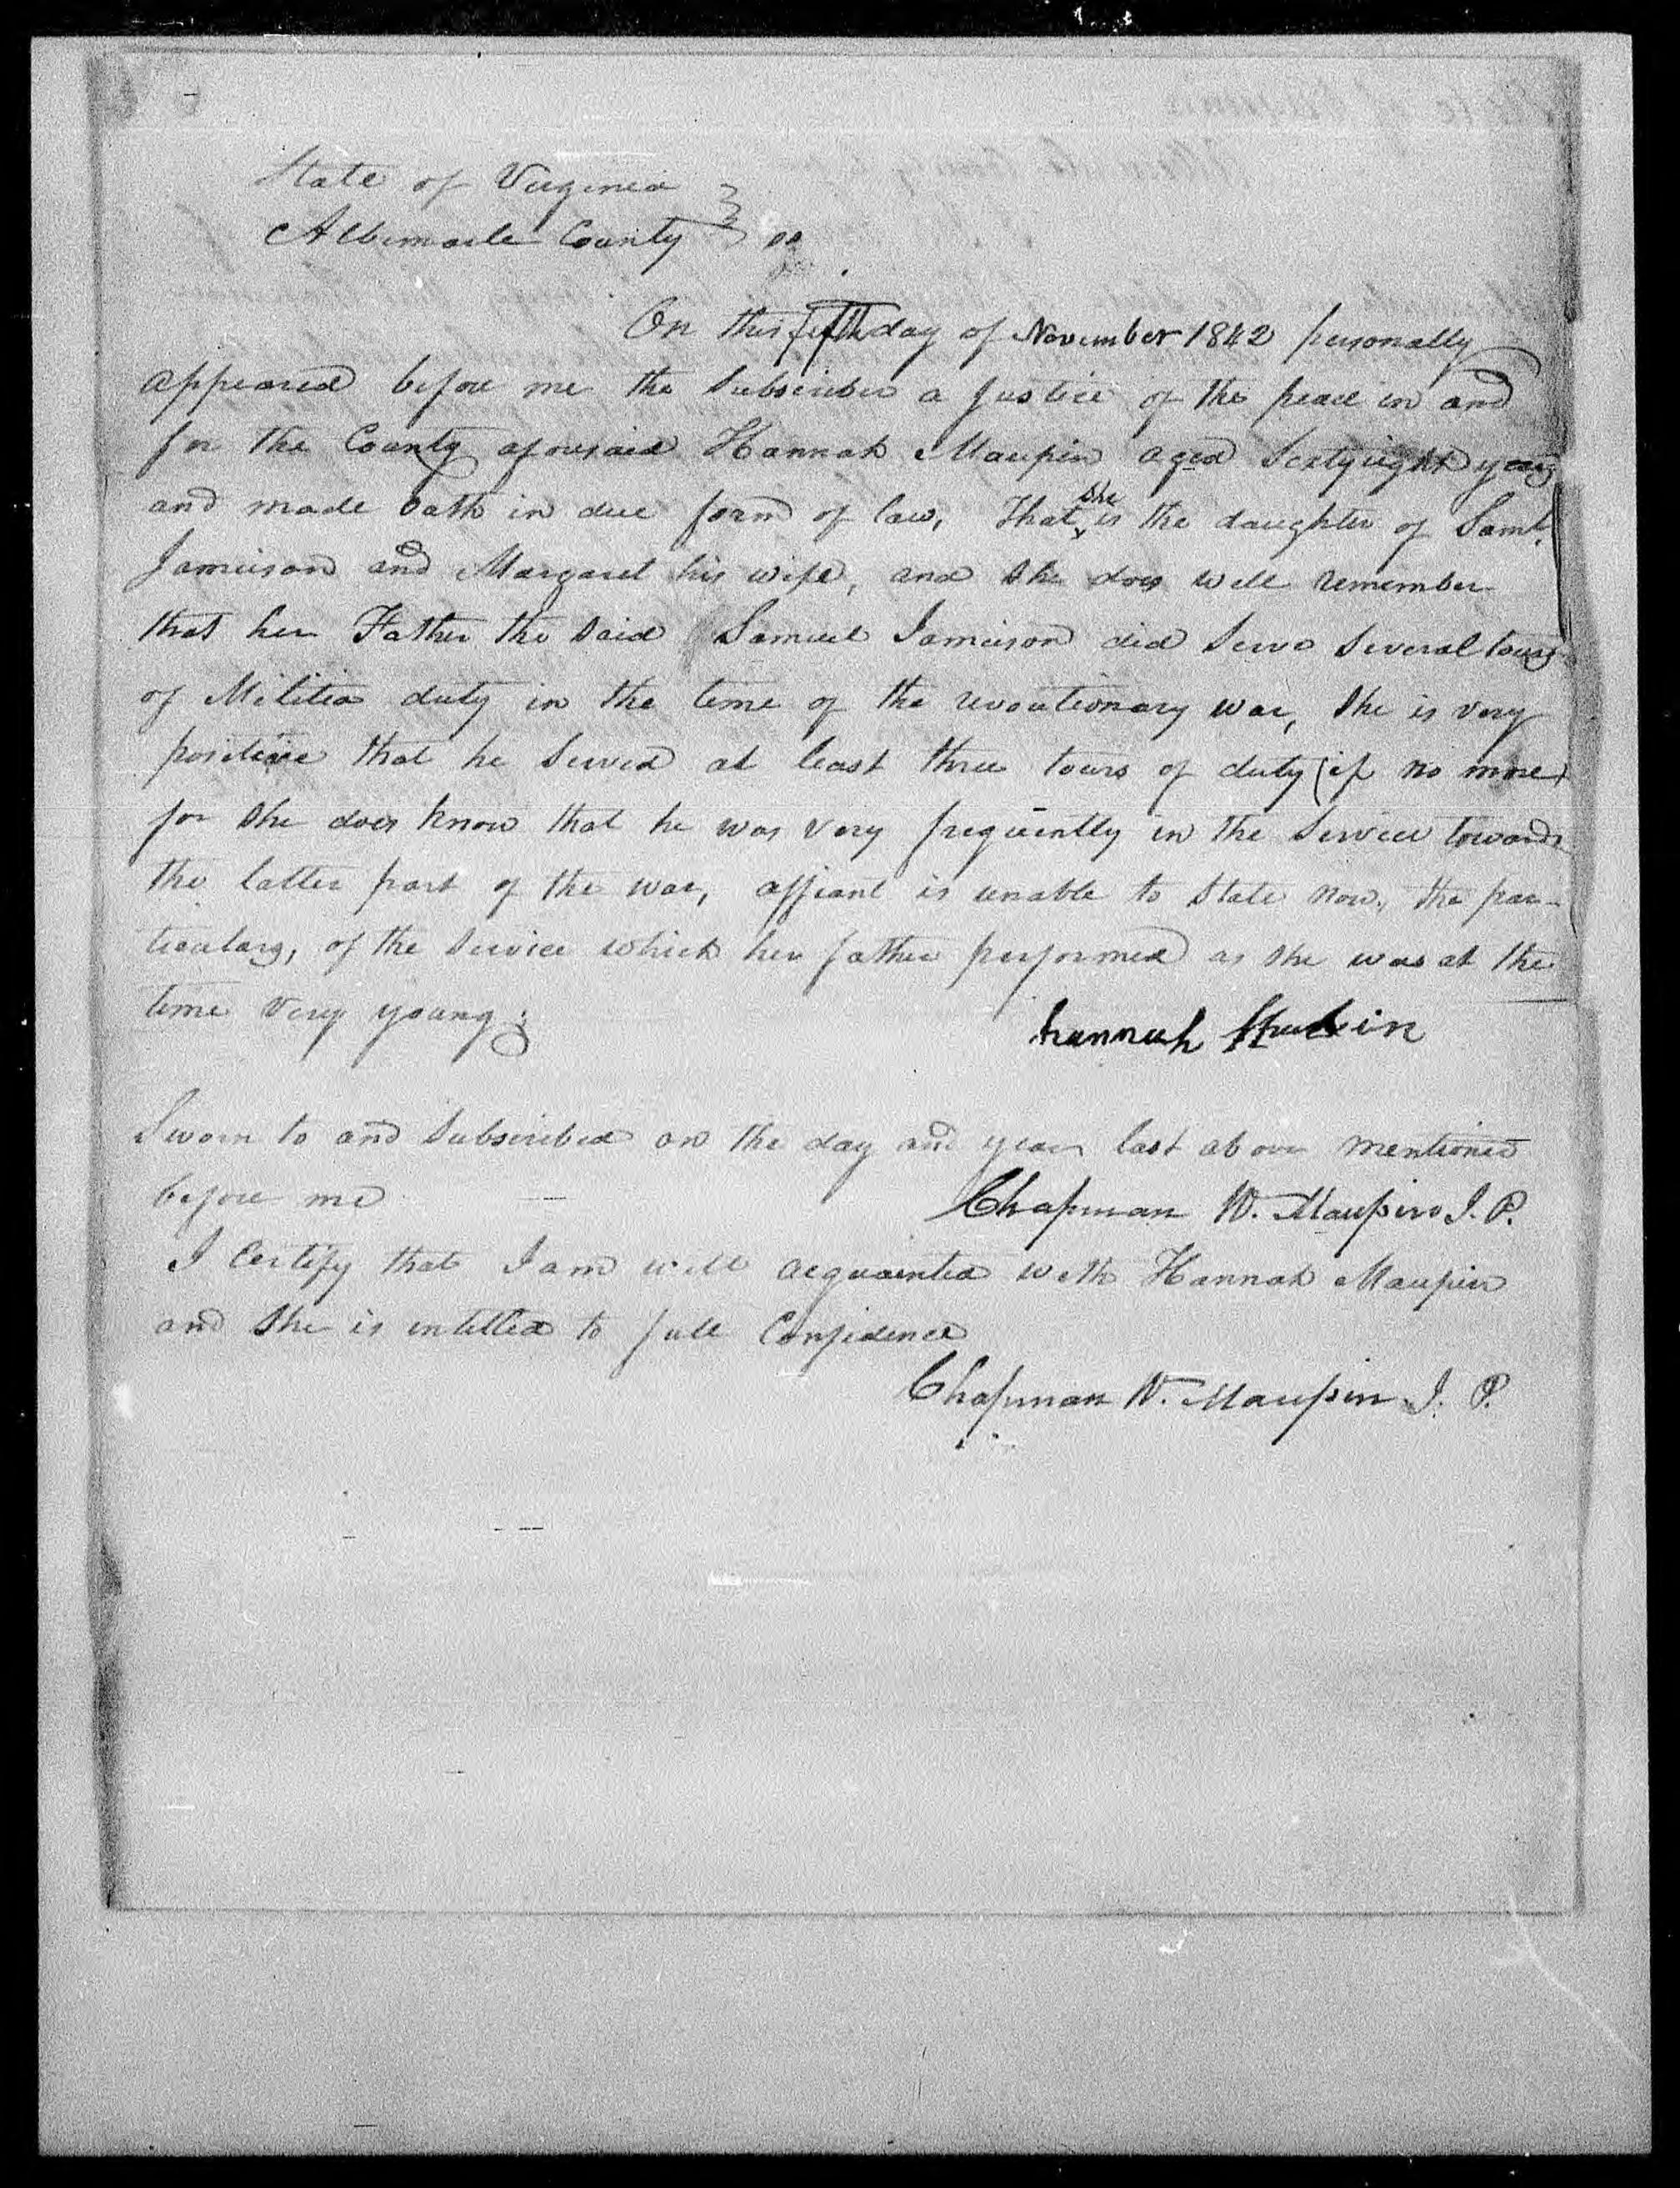State of Virginia
Albermarle County} ss
  On this fifth day of November 1842 personally
appeared before me the Subscriber a Justice of the peace in and
for the County aforesaid Hannah Maupin aged Sixty eight years
and made oath in due form of law, That She is the daughter of Sam'l.
Jamieson and Margaret his wife, and she does well remember
that her Father the said Samuel Jamieson did serve several tours
of Militia duty in the time of the revolutionary war, She is very
positive that he served at least three tours of duty (if no more)
for she does know that he was very frequently in the service towards
the latter part of the war, affiant is unable to state now, the particulars,
of the service which her father performed as she was at the
time very young.
Hannah Maupin

Sworn to and Subscribed on the day and year last above mentioned
before me
Chapman W. Maupin J.P.

I Certify that I am well acquainted with Hannah Maupin
and she is entitled to full Confidence.
Chapman W. Maupin J.P.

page: 24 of 28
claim: widow's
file: W. 5112, for Samuel Jamieson, Virginia